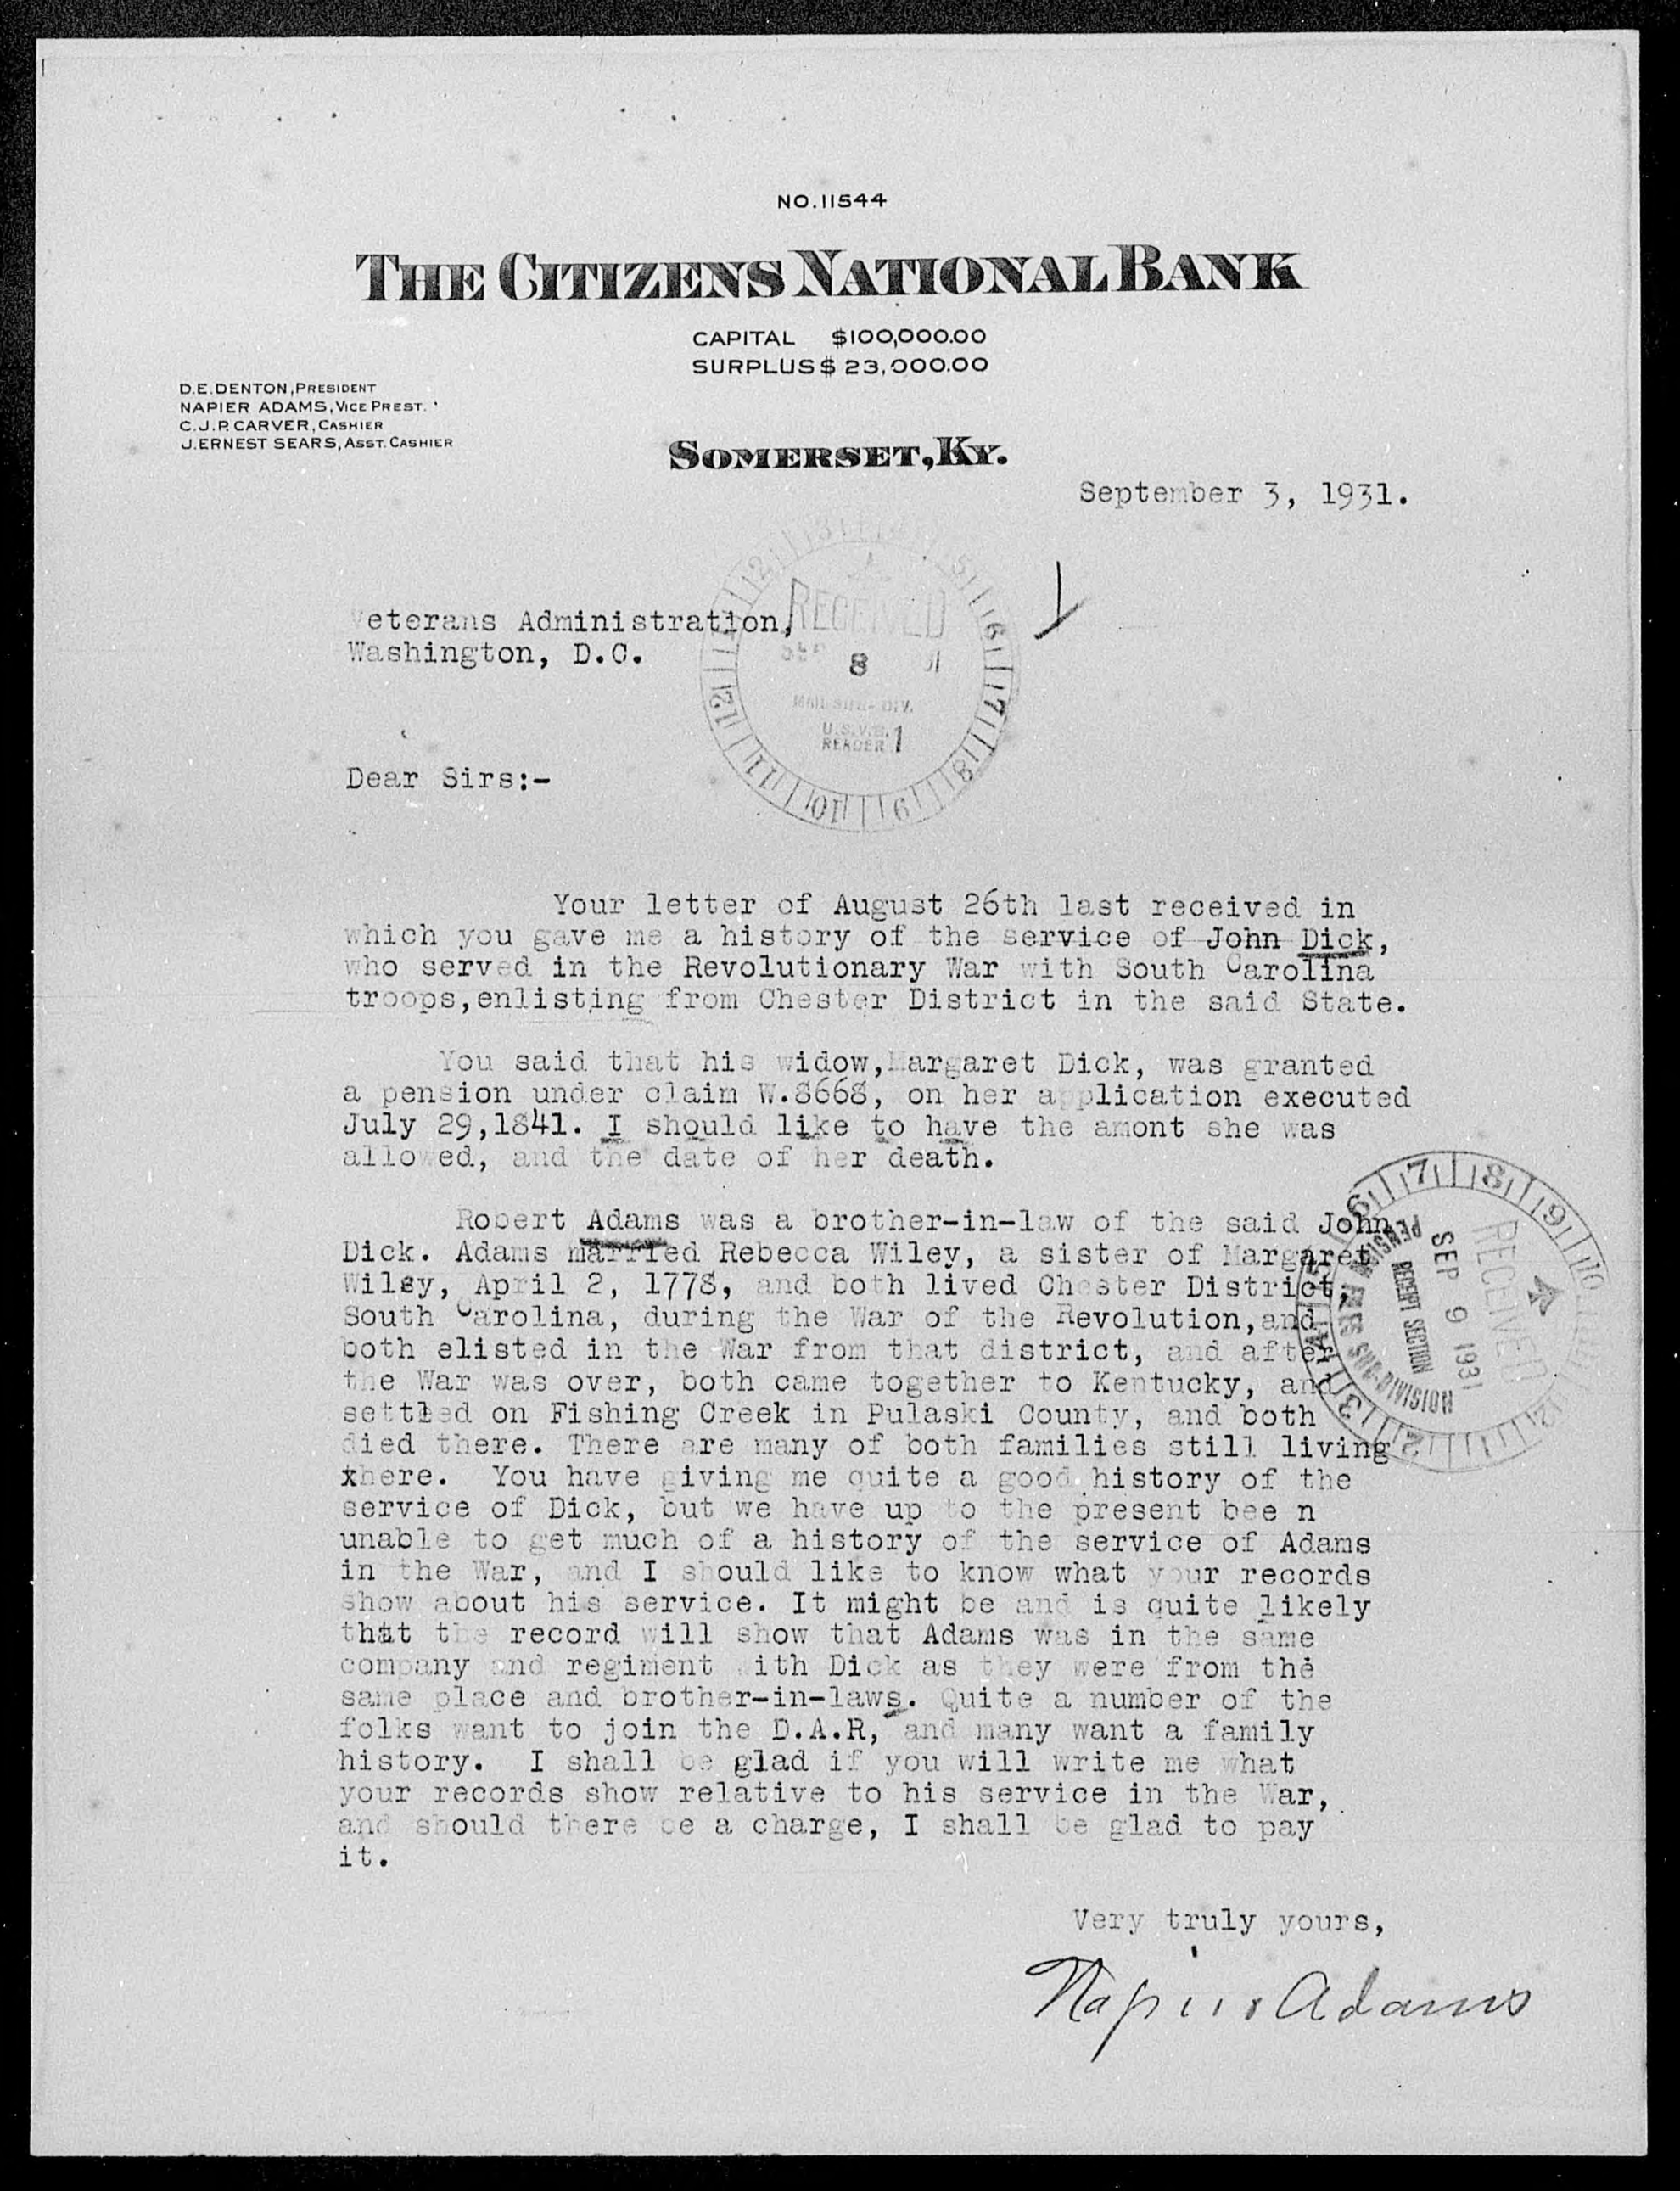NO. 11544 
THE CITIZENS NATIONAL BANK 
CAPITAL $100,000.00 SURPLUS $23,000.00 D. E. DENTON PRESIDENT NAPIER ADAMS, VCE PREST. C. J. P CARVER, CASHIER J. ERNEST SEARS, ASST CASHIER SOMERSET, KY. 
September 3, 1931.
Veterans Administration Washington, D.C. [stamps illegible] Dear Sirs: Your letter of August 26th last received in which you gave me a history of the service of John Dick, who served in the Revolutionary War with South Carolina troops, enlisting from Chester District in the said State. You said that his widow, Margaret Dick, was granted a pension under claim W. 8668, on her application executed July 29, 1841. I should like to have the amount she was allowed, and the date of her death. 
Robert Adams was a brother - in - law of the said John Dick. Adams married Rebecca Wiley, a sister of Margaret Willy, April 2, 1778, and both lived Chester District South Carolina, during the War of the Revolution, and both elisted in the War from that district, and after the War was over, both came together to Kentucky, and settled on Fishing Creek in Pulaski County, and both died there. There are many of both families still living there. You have giving me quite a good history of the service of Dick, but we have up to the present been unable to get much of a history of the service of Adams in the War, and I should like to know what your records show about his service. It might be and is quite likely that the record will show that Adams was in the same company and regiment with Dick as they were from the same place and brother - in - laws. Quite a number of the folks want to join the D.A.R. and many want a family history. I shall be glad if you will write me what your records show relative to his service in the War, and should there be a charge, I shall be glad to pay it. Misses it. 31112, Very truly yours, Napier Adams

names: Adams, Napier Adams, C J R Carver, Dick, Adams, Robert Adams, John Dick, D E Denton, Adams, Margaret Dick, Margaret Wiley, John Dick, Rebecca Wiley, Dick, Napier Adams, J Ernest Sears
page: 15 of 31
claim: widow's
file: W. 8668, John Dick, S C